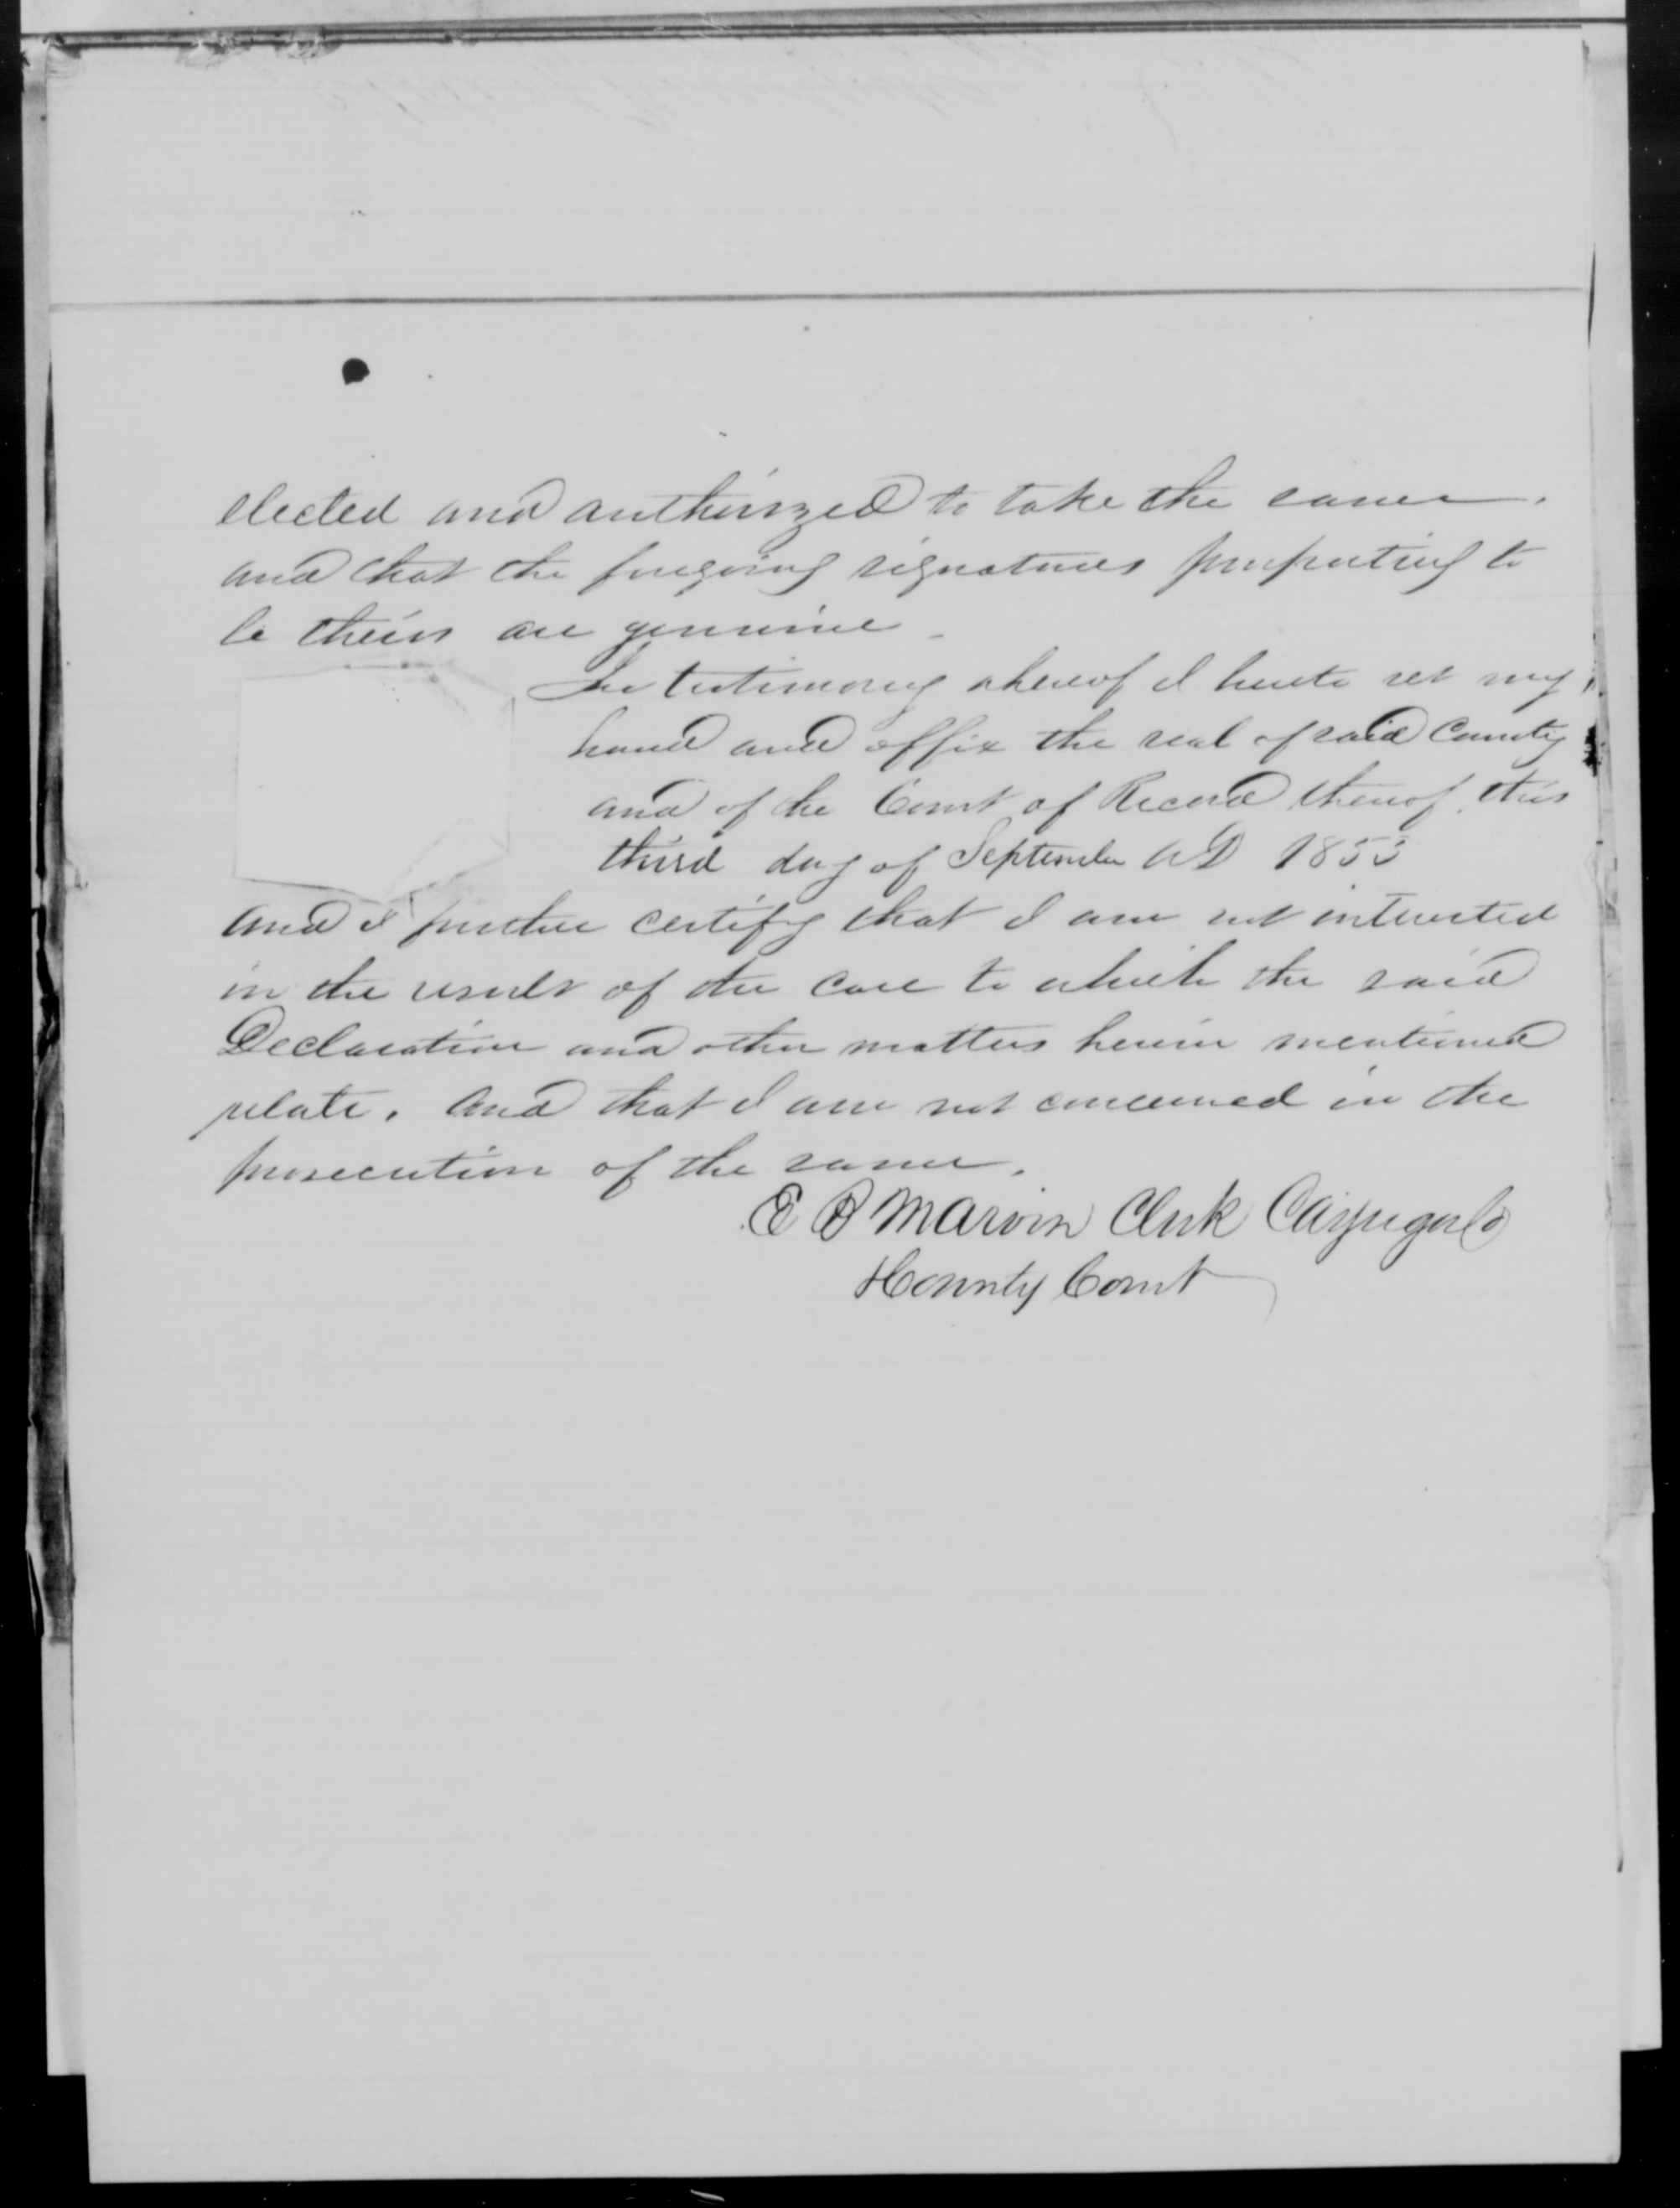elected and authorized to take the same, and that the foregoing signatures purporting to be theirs are genuine.
In testimony whereof I hereto set my hand and affix the seal of said County and of the Court of Record thereof this third day of September AD 1853 
and I further certify that I am not interested in the result of the case to which the said Declaration and other matters herein mentioned relate, and that I am not concerned in the prosecution of the same.
[signed] E B Marvin Clerk Cayuga Co & County Court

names: E B Marvin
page: 21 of 77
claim: widow's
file: W. 19658, John Woodin, New York